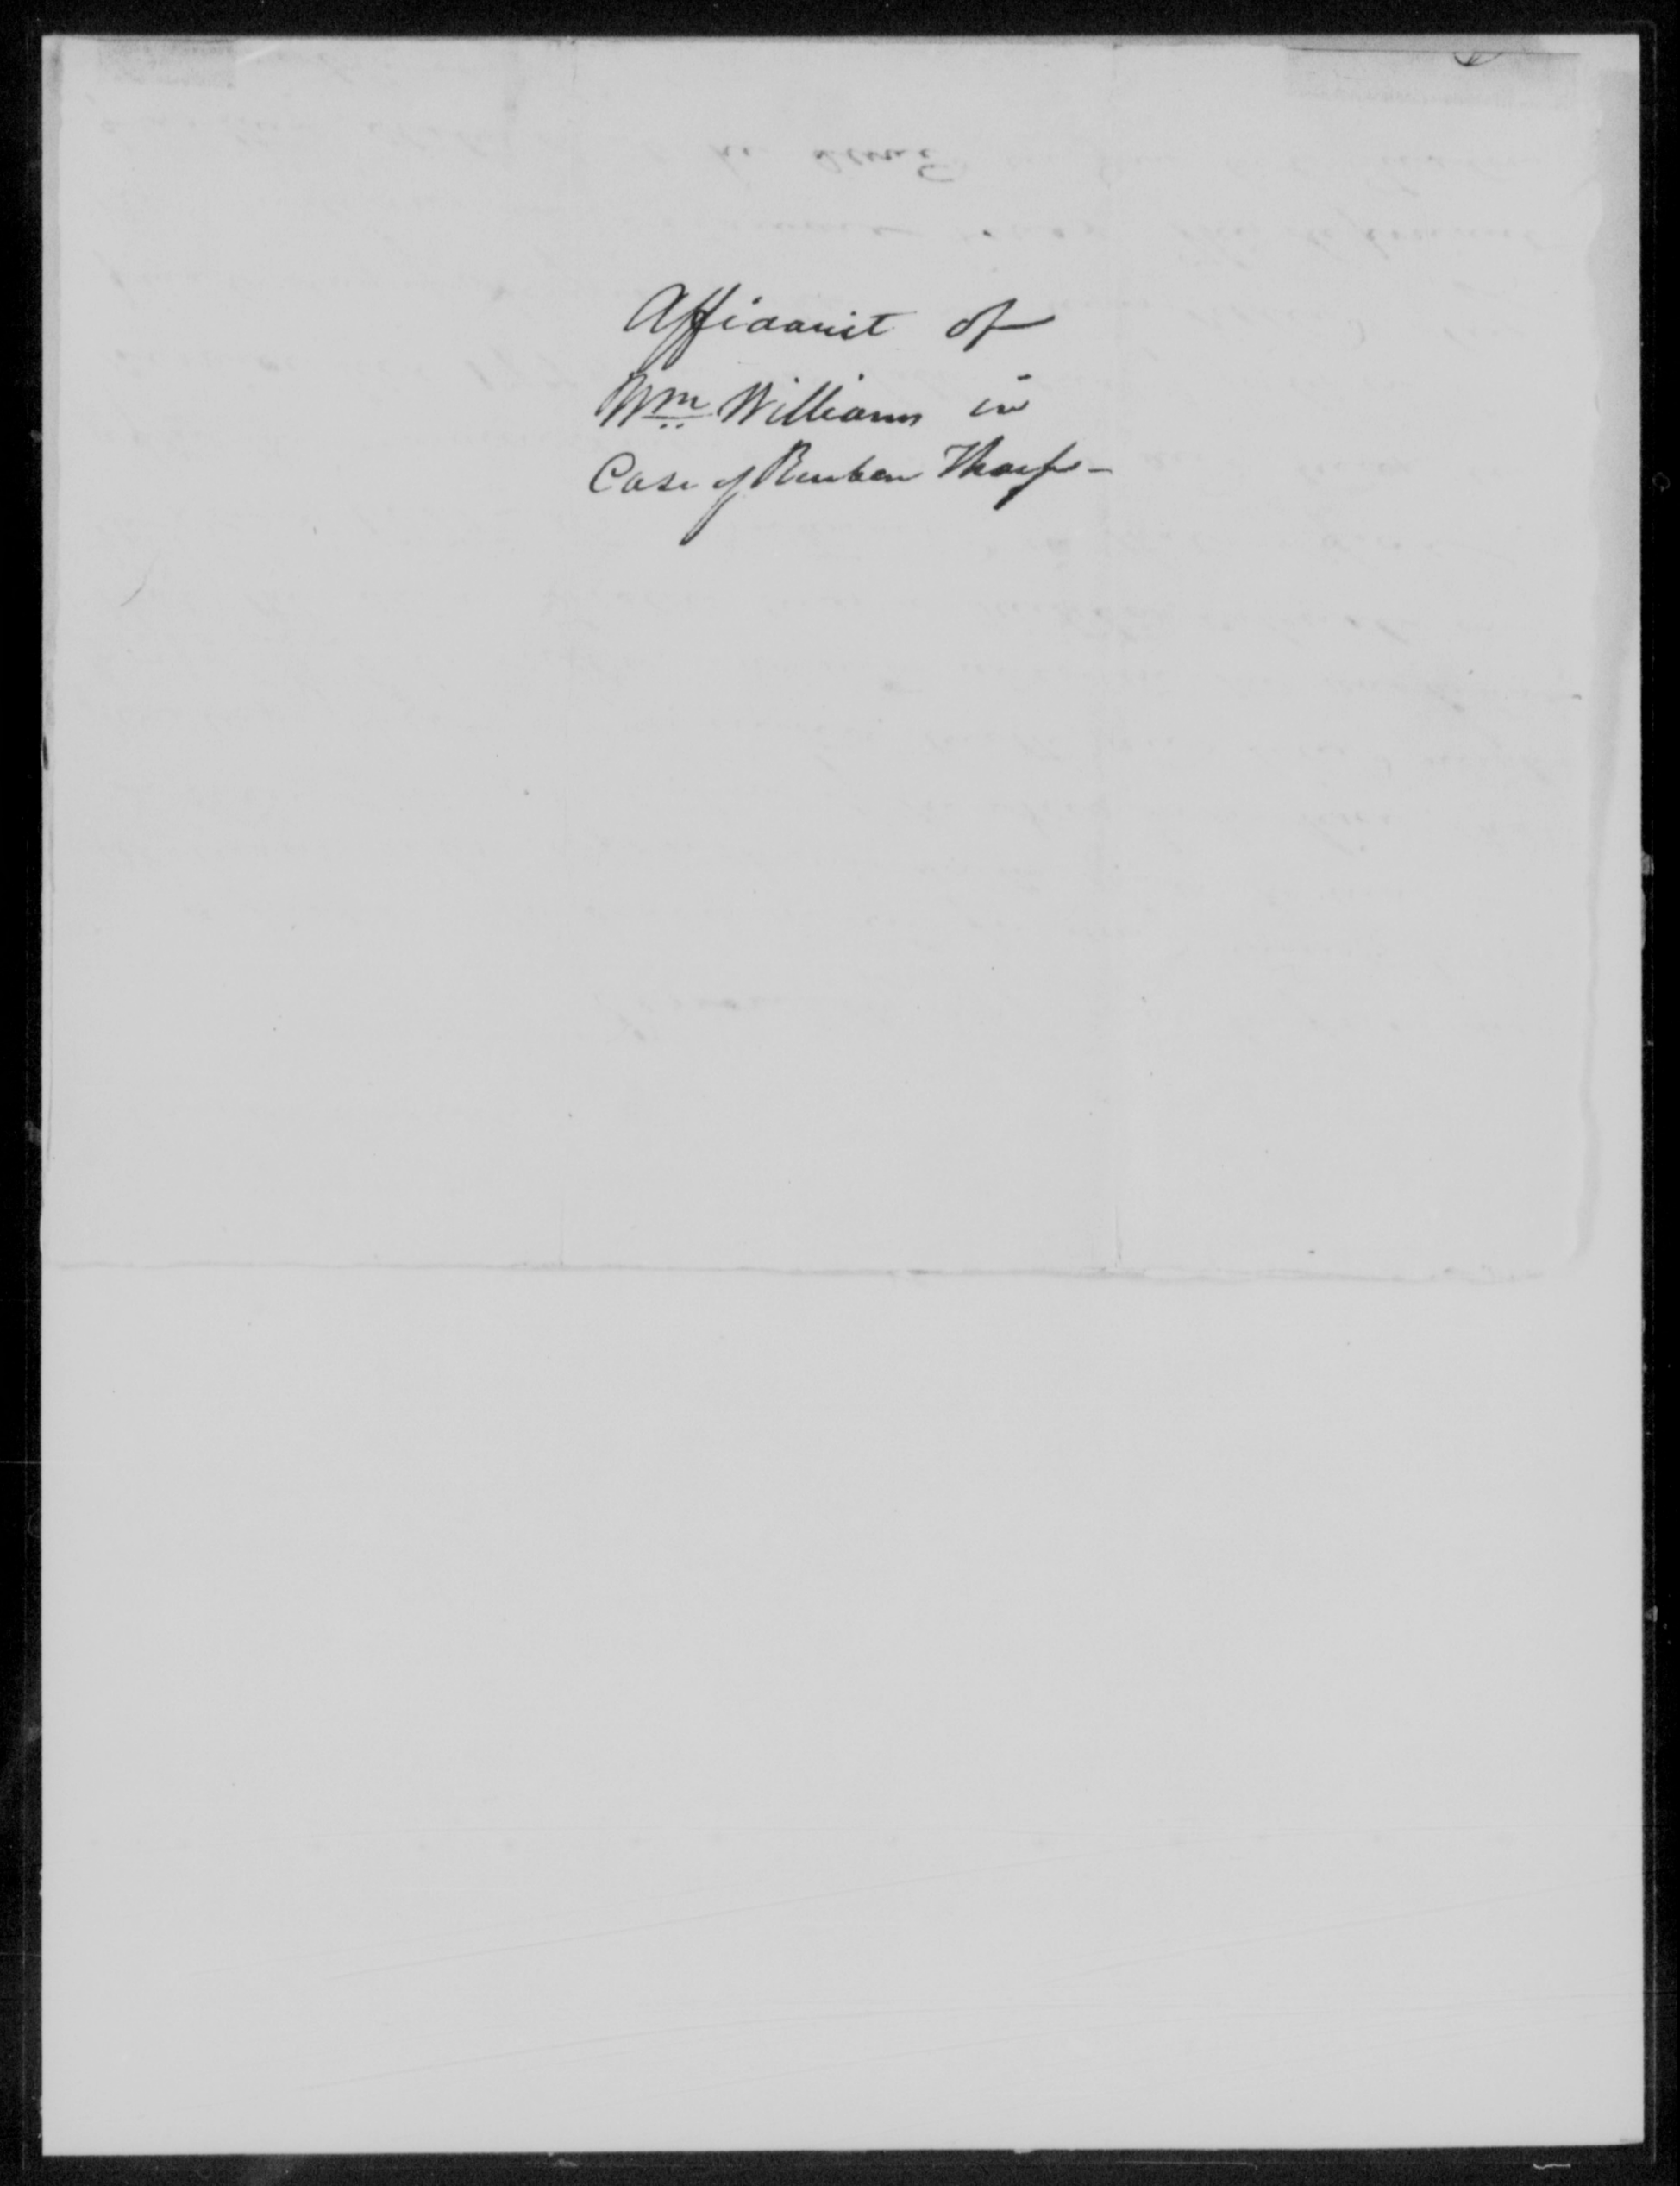Affidavit of
Wm Williams in
Case of Reuben Thorp-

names: Wm Williams; Reuben Tharp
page: 20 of 28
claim: survivor's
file: S. 6229, for Reuben Thorp, New Jersey